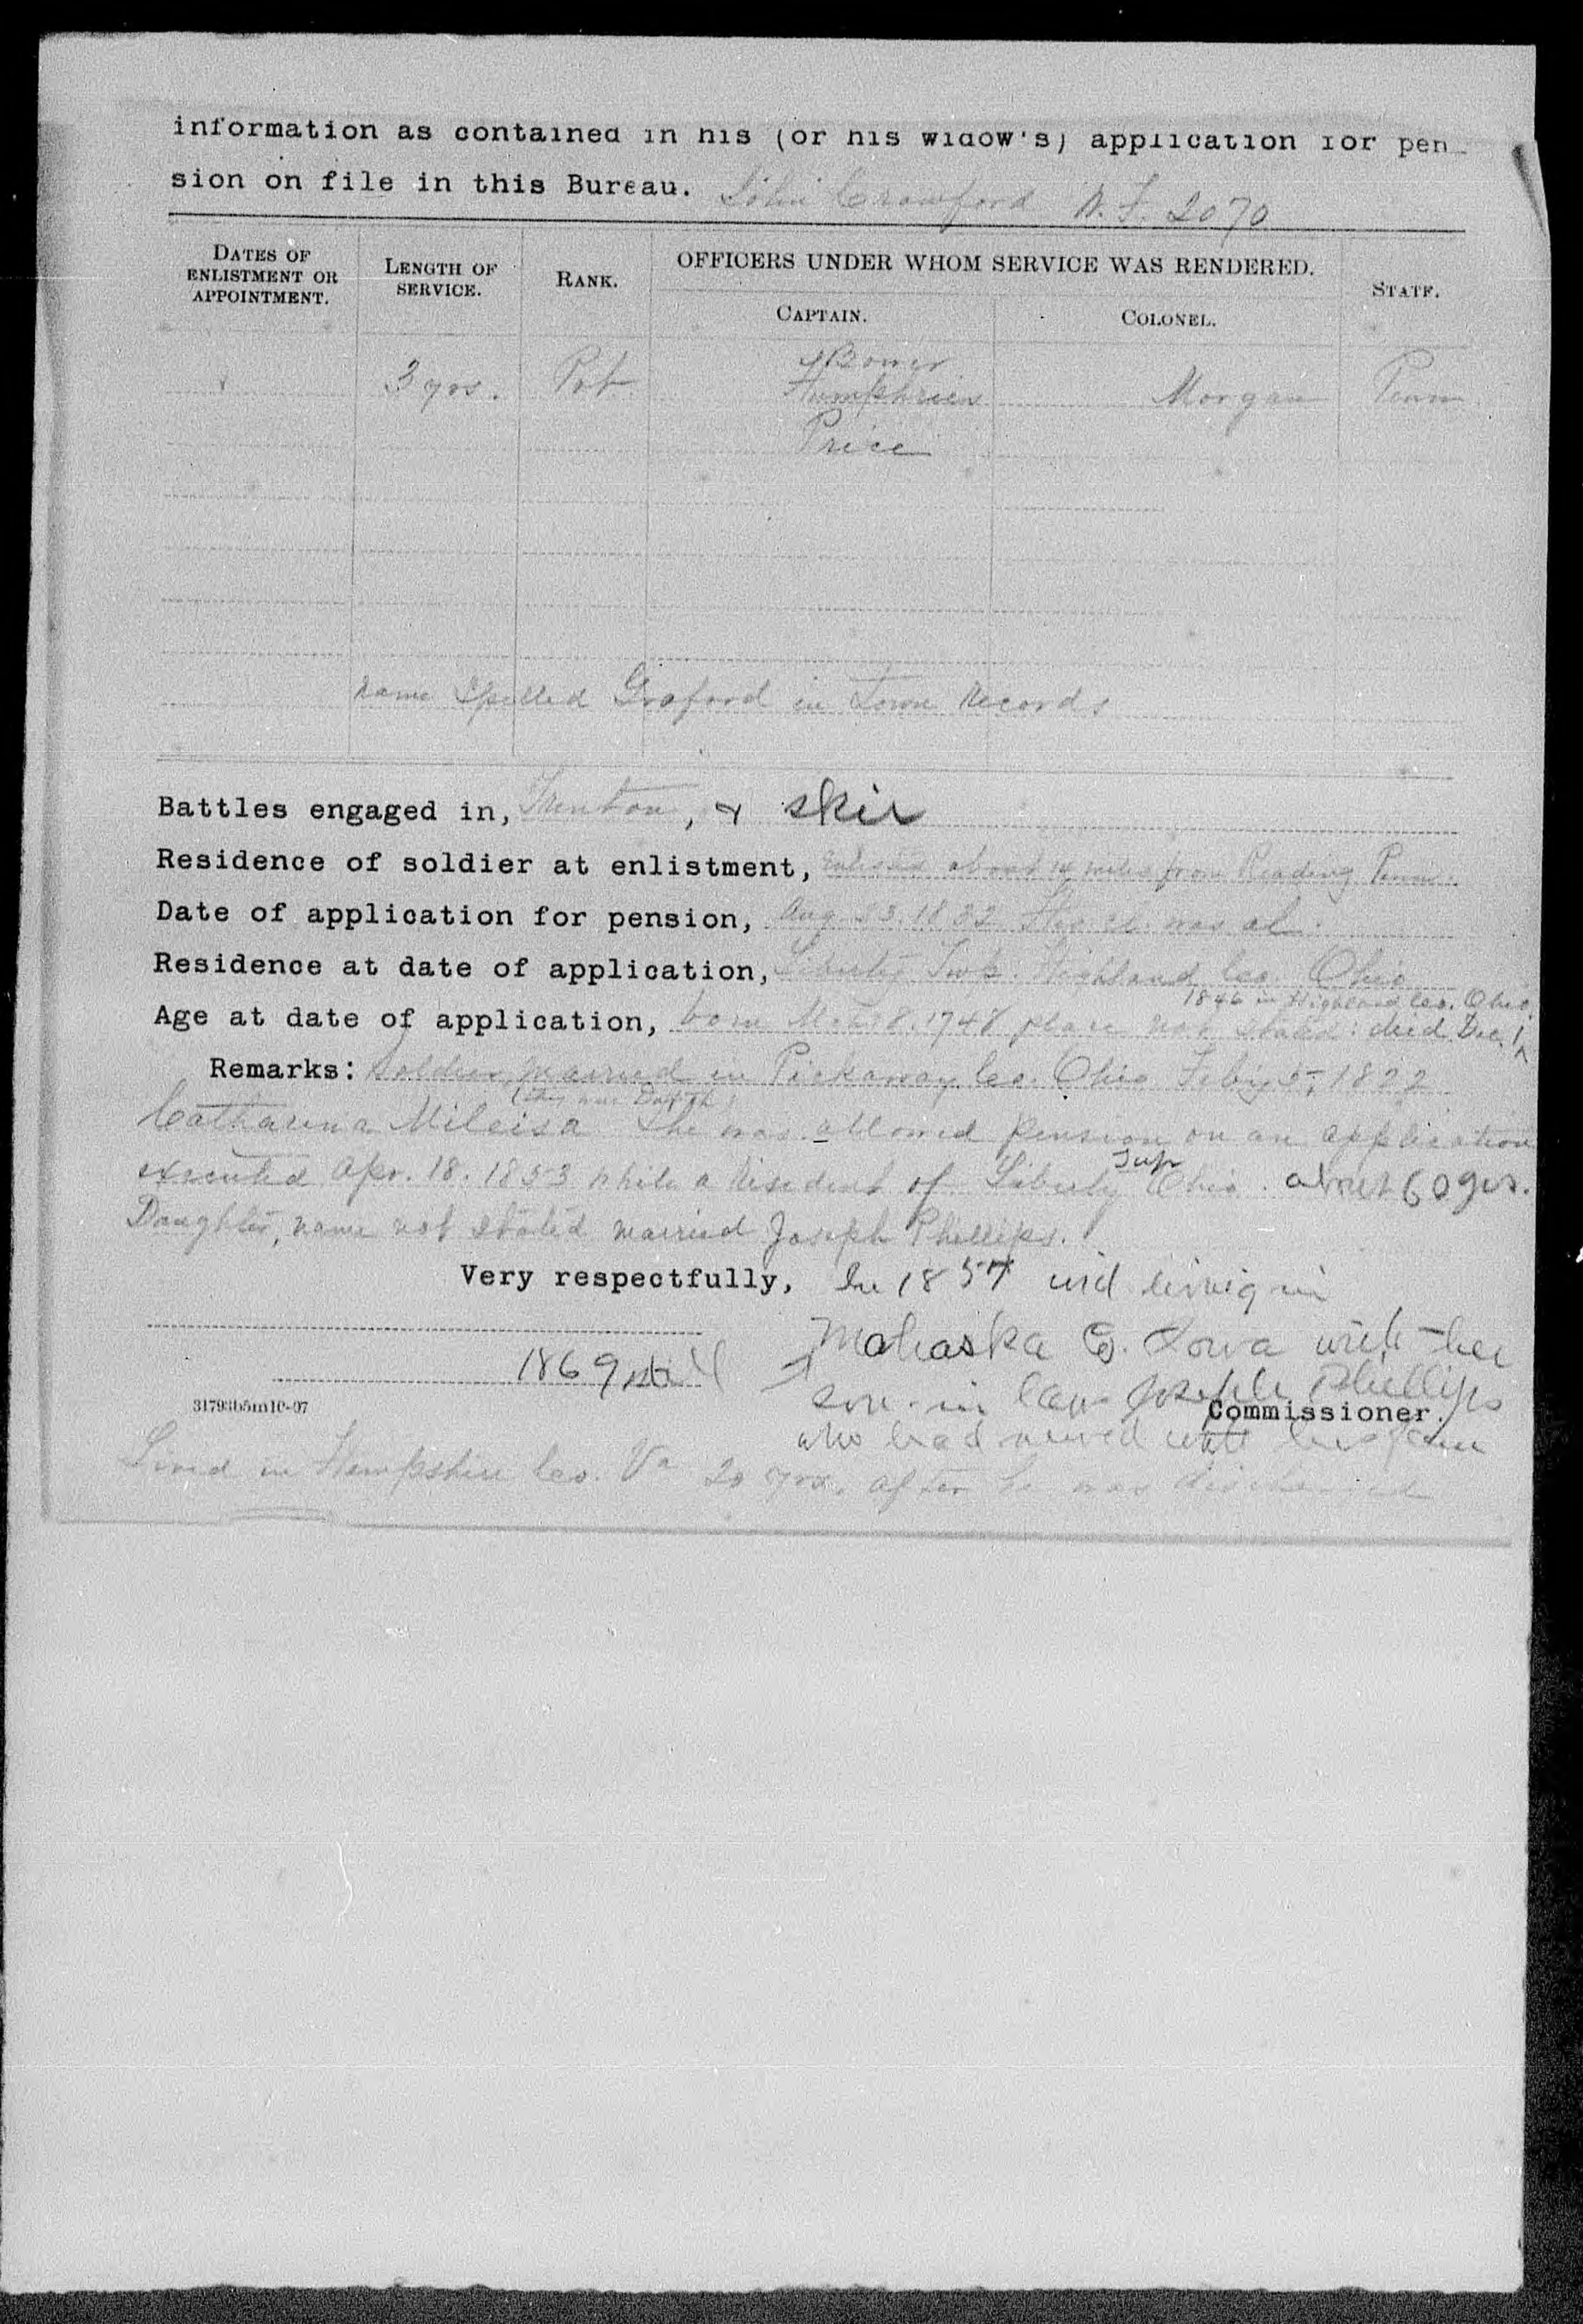information as contained in his (or his widow's) application for pension on file in this Bureau. John Crawford W.F.2070

DATES OF ENLISTMENT OR APPOINTMENT.

LENGTH OF SERVICE.
3 yrs.

RANK.
Pvt

OFFICERS UNDER WHOM SERVICE WAS RENDERED.
CAPTAIN.
Bower
Humphries
Price
COLONEL,
Morgan

STATE
Penn
Name spelled Graford in town records

Battles engaged in, Trenton, & [illegible]
Residence of soldier at enlistment, enlisted about 14 miles from Reading Pa
Date of application for pension, Aug 23, 1832 His claim was al.
Residence at date of application, Liberty Twp Highland Co. Ohio
Age at date of application, born March 8 1748 place not stated Died Dec 1 1846 in Highland Co., Ohio
Remarks: Soldier married in Pickaway Co. Ohio Feb. 1822. Catharine Mileisa she was allowed pension on an application executed Apr. 18, 1853 while a resident of Liberty Twp Ohio about 60 years. Daughter, name not stated married Joseph Phillips In 1857 widow living in Mahaska Co. Iowa with her son-in-law Joseph Phillips who had moved with his [illegible]
Lived in Hampshire Co. Va 20 years after he was discharged
Very respectfully
Commissioner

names: Humphrys, John Crawford, Joseph Phillips, Price, Joseph Phillips, Graford, Catharina Mileisa, Bower, Morgan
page: 80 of 80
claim: widow's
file: W 2070, John Crawford, Penn.